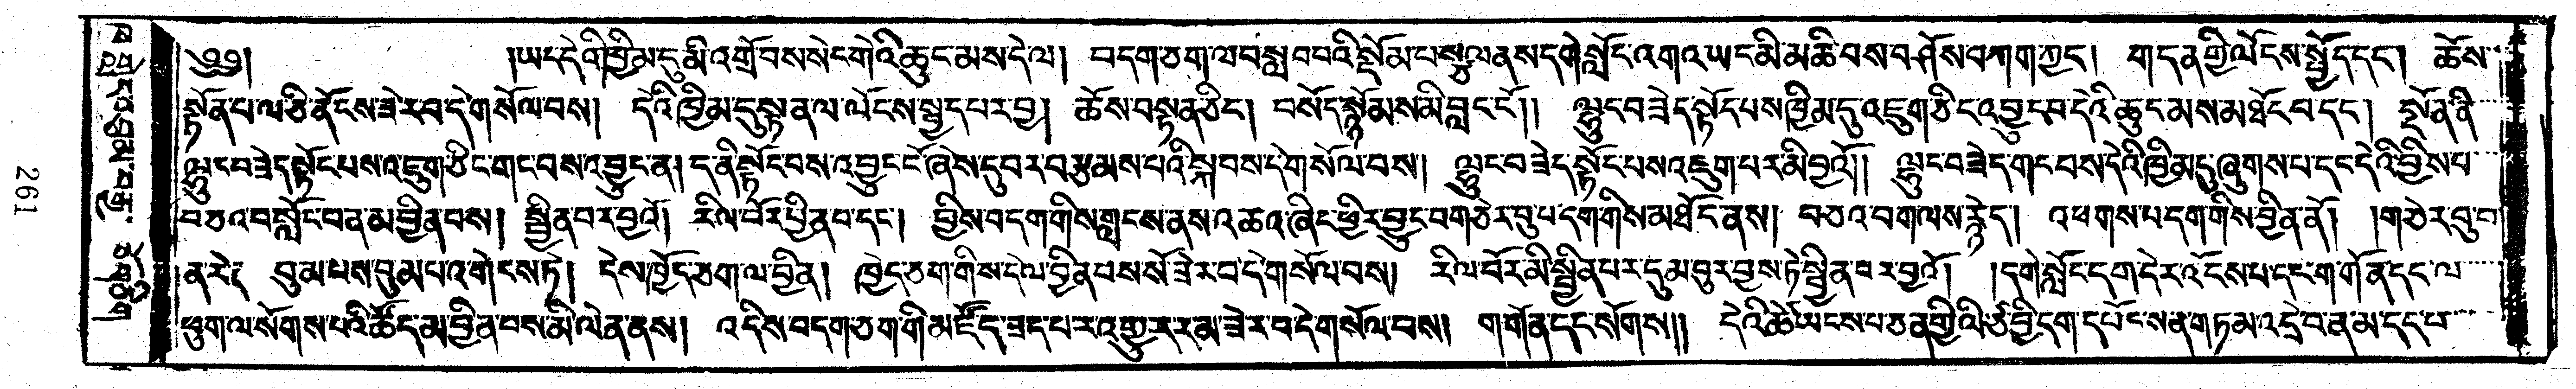༄༅། །ཡང་དེའི་ཁྱིམ་དུ་མི་འགྲོ་བས་སེང་གེའི་ཆུང་མས་དེ་ལ། བདག་ཅག་ལ་བསླབ་པའི་སྡོམ་པ་སྩལ་ནས་དགེ་སློང་འགའ་ཡང་མི་མཆི་བས་བཤོས་བཀག་ཀྱང་། གདན་གྱི་ལོངས་སྤྱོད་དང་། ཆོས་
སྟོན་པ་ལ་ཅི་ནོངས་ཟེར་བ་དེ་གསོལ་བས། དེའི་ཁྱིམ་དུ་སྟན་ལ་ལོངས་སྤྱད་པར་བྱ། ཆོས་བསྟན་ཅིང་། བསོད་སྙོམས་མི་བླང་ངོ།། ལྷུང་བཟེད་སྟོང་པས་ཁྱིམ་དུ་འཇུག་ཅིང་འབྱུང་བ་དེའི་ཆུང་མས་མཐོང་བ་དང་། སྔོན་ནི་
ལྷུང་བཟེད་སྟོང་པས་འཇུག་ཅིང་གང་བས་འབྱུང་ན། ད་ནི་སྟོང་བས་འབྱུང་ངོ་ཞེས་དུ་བར་བརྩམས་པའི་སྐབས་དེ་གསོལ་བས། ལྷུང་བཟེད་སྟོང་པས་འཇུག་པར་མི་བྱའོ།། ལྷུང་བཟེད་གང་བས་དེའི་ཁྱིམ་དུ་ཞུགས་པ་དང་དེའི་བྱིས་པ་
བཅའ་བསློང་བ་ན་མ་བྱིན་པས། སྦྱིན་པར་བྱའོ། རིལ་པོར་བྱིན་པ་དང་། བྱིས་བདག་གིས་གླངས་ནས་འཆའ་ཞིང་ཕྱིར་བྱུང་བ་གཅེར་བུ་པ་དག་གིས་མཐོང་ནས། བཅའ་བག་ལས་རྙེད། འཕགས་པ་དག་གིས་བྱིན་ནོ། །གཅེར་བུ་བ་
ན་རེ༑ བུམ་པས་བུམ་པ་འགེངས་ཏེ། དེས་ཁྱོད་ཅག་ལ་བྱིན། ཁྱེད་ཅག་གིས་དེ་ལ་བྱིན་པས་སོ་ཟེར་བ་དེ་གསོལ་བས། རིལ་བོར་མི་སྦྱིན་པར་དུམ་བུར་བྱས་ཏེ་སྦྱིན་པར་བྱའོ། །དགེ་སློང་དག་དེར་འོངས་པ་དང་ག་གོན་དང་ལ་
ཕུག་ལ་སོགས་པའི་ཚོད་མ་བྱིན་པས་མི་ལེན་ནས། འདིས་བདག་ཅག་གི་མཛོད་ཟད་པར་འགྱུར་རམ་ཟེར་བ་དེ་གསོལ་བས། ག་གོན་དང་སོགས།། དེའི་ཚེ་ཡངས་པ་ཅན་གྱི་ལི་ཙ་བྱི་དག་དཔོང་ས་ན་གཏམ་འདྲེ་བ་ན་མ་དད་པ་